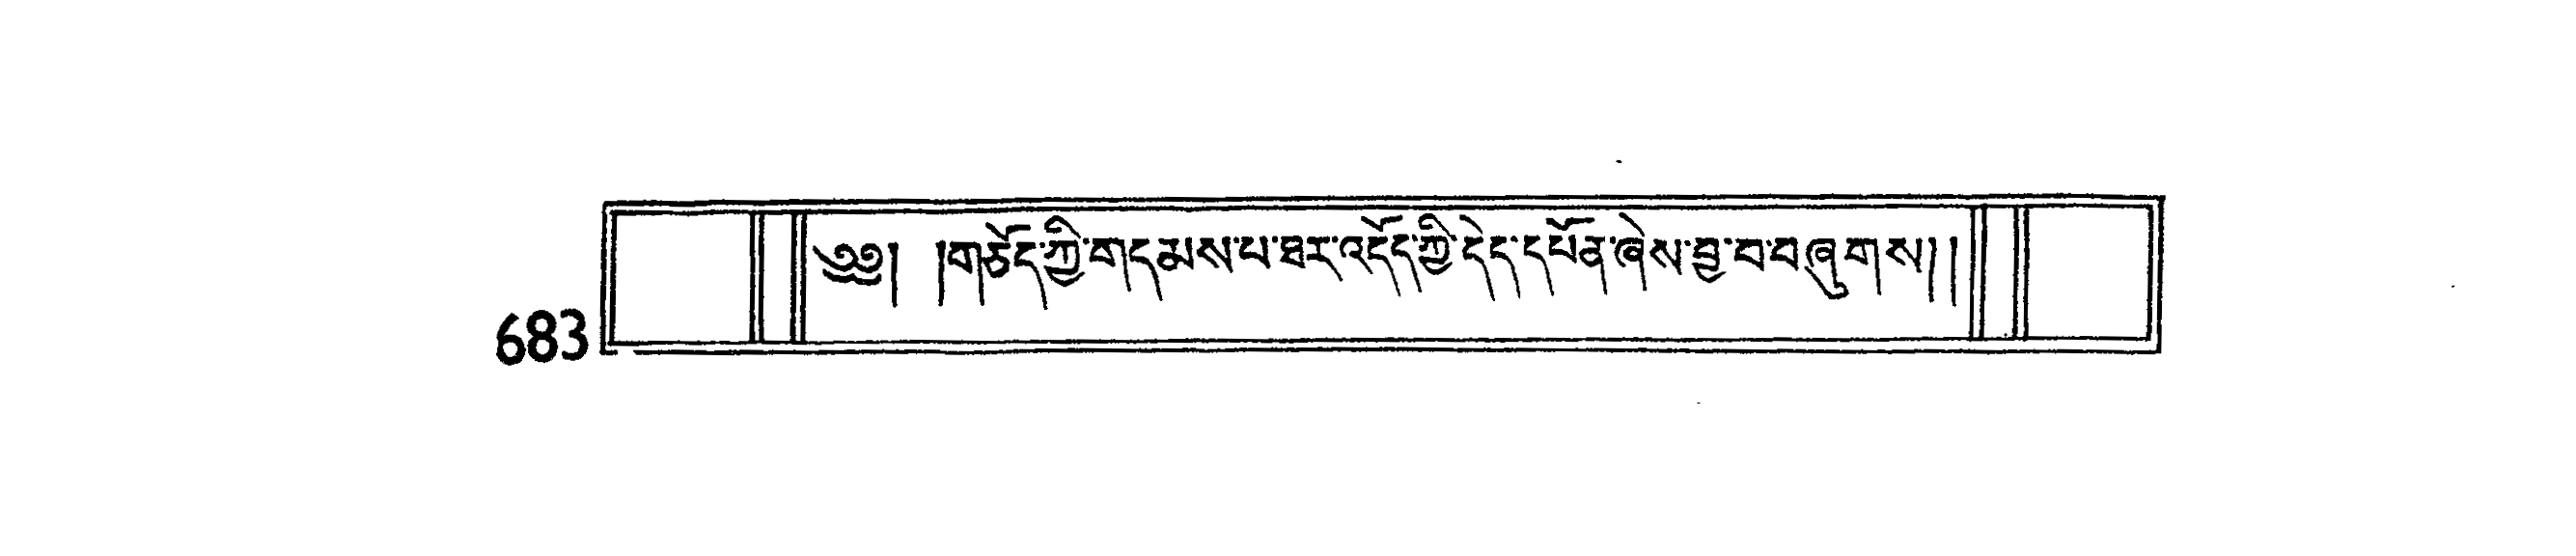༄༅། །གཅོད་ཀྱི་གདམས་པ་ཐར་འདོད་ཀྱི་དེད་དཔོན་ཞེས་བྱ་བ་བཞུགས།།